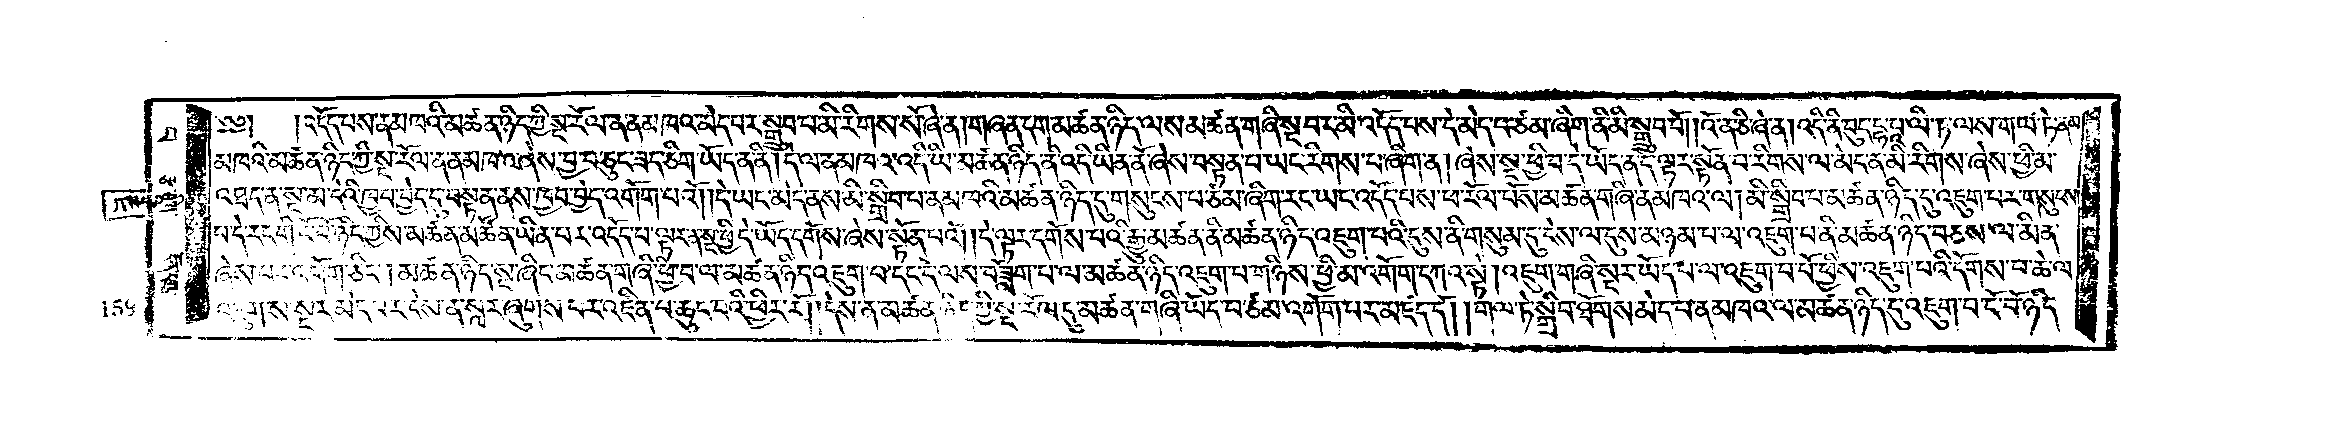༄༅། །འདོད་པས་ནམཁའི་མཚན་ཉིད་ཀྱི་སྔ་རོལ་ན་ནམཁའ་མེད་པར་སྒྲུབ་པ་མི་རིགས་སོ་ཞེ་ན། གཞན་དག་མཚན་ཉིད་ལས་མཚན་གཞི་སྔ་བར་མི་འདོད་པས་དེ་མེད་པ་ཙམ་ཞིག་ནི་མི་སྒྲུབ་བོ། །འོ་ན་ཅི་ཞེ་ན། འདི་ནི་བུད་དྷ་པཱ་ལི་ཏ་ལས་གལ་ཏེ་ནམ་
མཁའི་མཚན་ཉིད་ཀྱི་སྔ་རོལ་ན་ནམཁའ་ཞེས་བྱ་བ་ཅུང་ཟད་ཅིག་ཡོད་ན་ནི། དེ་ལ་ནམཁའ་འདི་ཡི་མཚན་ཉིད་ནི་འདི་ཡིན་ནོ་ཞེས་བསྟན་པ་ཡང་རིགས་པ་ཞིག་ན། ཞེས་སྔ་ཕྱི་བ་དེ་ཡོད་ན་དེ་ལྟར་སྟོན་པ་རིགས་ལ་མེད་ན་མི་རིགས་ཞེས་ཕྱི་མ་
འཐད་ན་སྔ་མ་དེའི་ཁྱབ་བྱེད་དུ་བསྟན་ནས་ཁྱབ་བྱེད་འགོག་པའོ། །དེ་ཡང་མེད་ནས་མི་སྒྲིབ་པ་ནམཁའི་མཚན་ཉིད་དུ་གསུངས་པ་ཙམ་ཞིག་རང་ཡང་འདོད་པས་ཕ་རོལ་པས་མཚན་གཞི་ནམཁའ་ལ། མི་སྒྲིབ་པ་མཚན་ཉིད་དུ་འཇུག་པར་གསུངས་
པ་དེ་རང་གི་ངོ་བོ་ཉིད་ཀྱིས་མཚན་མཚོན་ཡིན་པར་འདོད་པ་ལྟར་ན་སྔ་ཕྱི་དེ་ཡོད་དགོས་ཞེས་སྟོན་པའོ། །དེ་ལྟར་དགོས་པའི་རྒྱུ་མཚན་ནི་མཚན་ཉིད་འཇུག་པའི་དུས་ནི་གསུམ་དུ་དེས་ལ་དུས་མཉམ་པ་ལ་འཇུག་པ་ནི་མཚན་ཉིད་བཅས་ལ་མིན་
ཞེས་པར་འགོག་ཅིང་། མཚན་ཉིད་སྔ་ཞིང་མཚན་གཞི་ཕྱི་བ་ལ་མཚན་ཉིད་འཇུག་པ་དང་དེ་ལས་བཟློག་པ་ལ་མཚན་ཉིད་འཇུག་པ་གཉིས་ཕྱི་མ་འགོག་དཀའ་སྟེ། འཇུག་གཞི་སྔར་ཡོད་པ་ལ་འཇུག་པ་པོ་ཕྱིས་འཇུག་པའི་དོགས་པ་ཆེ་ལ་
འཇུག་ས་སྔར་མེད་པར་ངེས་ན་སྔར་ཞུགས་པར་འཛིན་པ་ཆུང་བའི་ཕྱིར་རོ། །དེས་ན་མཚན་ཉིད་ཀྱི་སྔ་རོལ་དུ་མཚན་གཞི་ཡོད་པ་ཙམ་འགོག་པར་མཛད་དོ། །གལ་ཏེ་སྒྲིབ་ཐོགས་མེད་པ་ནམཁའ་ལ་མཚན་ཉིད་དུ་འཇུག་པ་ངོ་བོ་ཉིད་